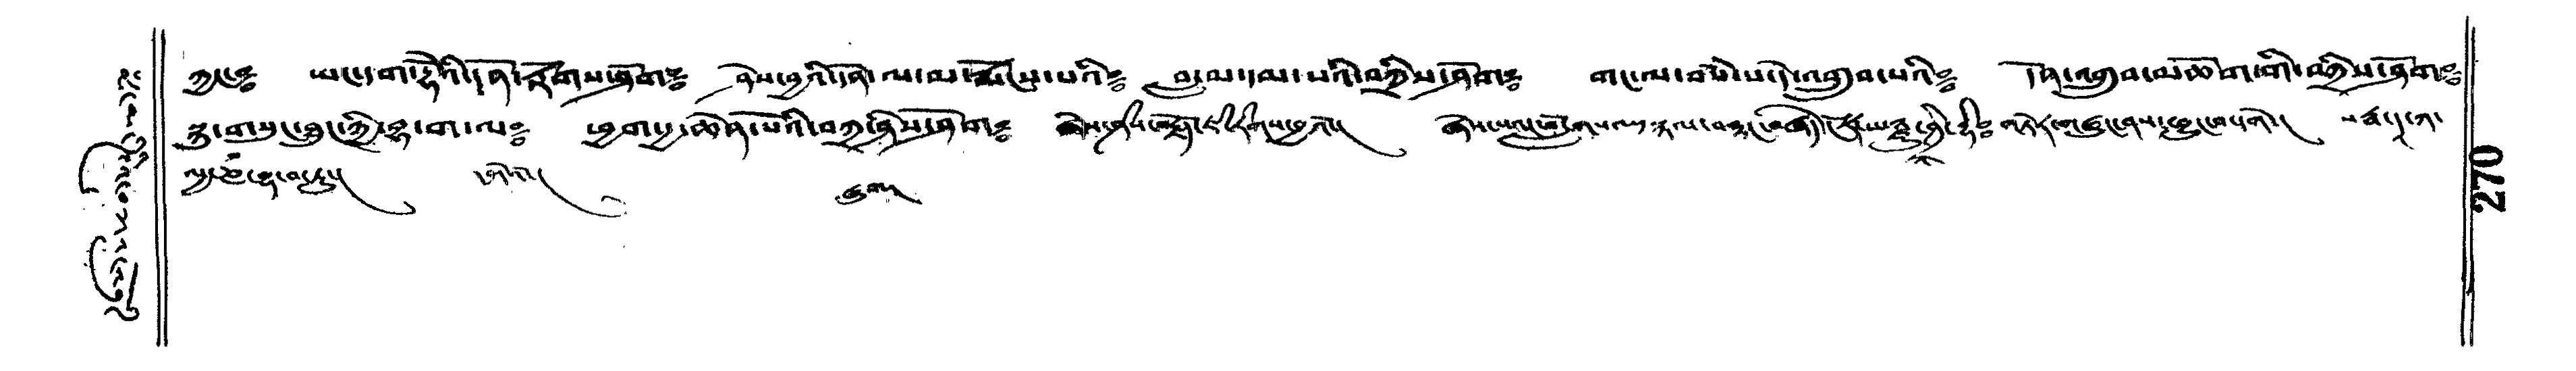ཀྱང༔ ཡང་དག་རྡོ་རྗེའི་དོན་རྟོགས་ཤོག༔ ཤེས་བྱའི་དོན་ལ་མ་རྨོངས་པའི༔ བླ་མ་དམ་པའི་བཀྲ་ཤིས་ཤོག༔ གང་ལ་བསམ་པ་དེས་འགྲུབ་པའི༔ དོན་འགྲུབ་མཆོག་གི་བཀྲ་ཤིས་ཤོག༔ 
སྐུ་གསུང་ཐུགས་ཀྱི་བྷ་ག་ལ༔ ཕྱག་རྒྱ་ཆེན་པོའི་བཀྲ་ཤིས་ཤོག༔ ཞེས་ཤིས་བརྗོད་ཇི་རིགས་བྱའོ།ཞེས་པའང་བློ་གསལ་སྐལ་བཟང་གི་བཞེད་ངོར་མཉྫུ་ཤྲཱི་དྷིས་གཏེར་གཞུང་ནས་ཕྱུངས་བ་དགེའོ།། སརྦ་དཱ་ཀ་
ལྱ་ཎཾ་བྷཝནྟུ།།